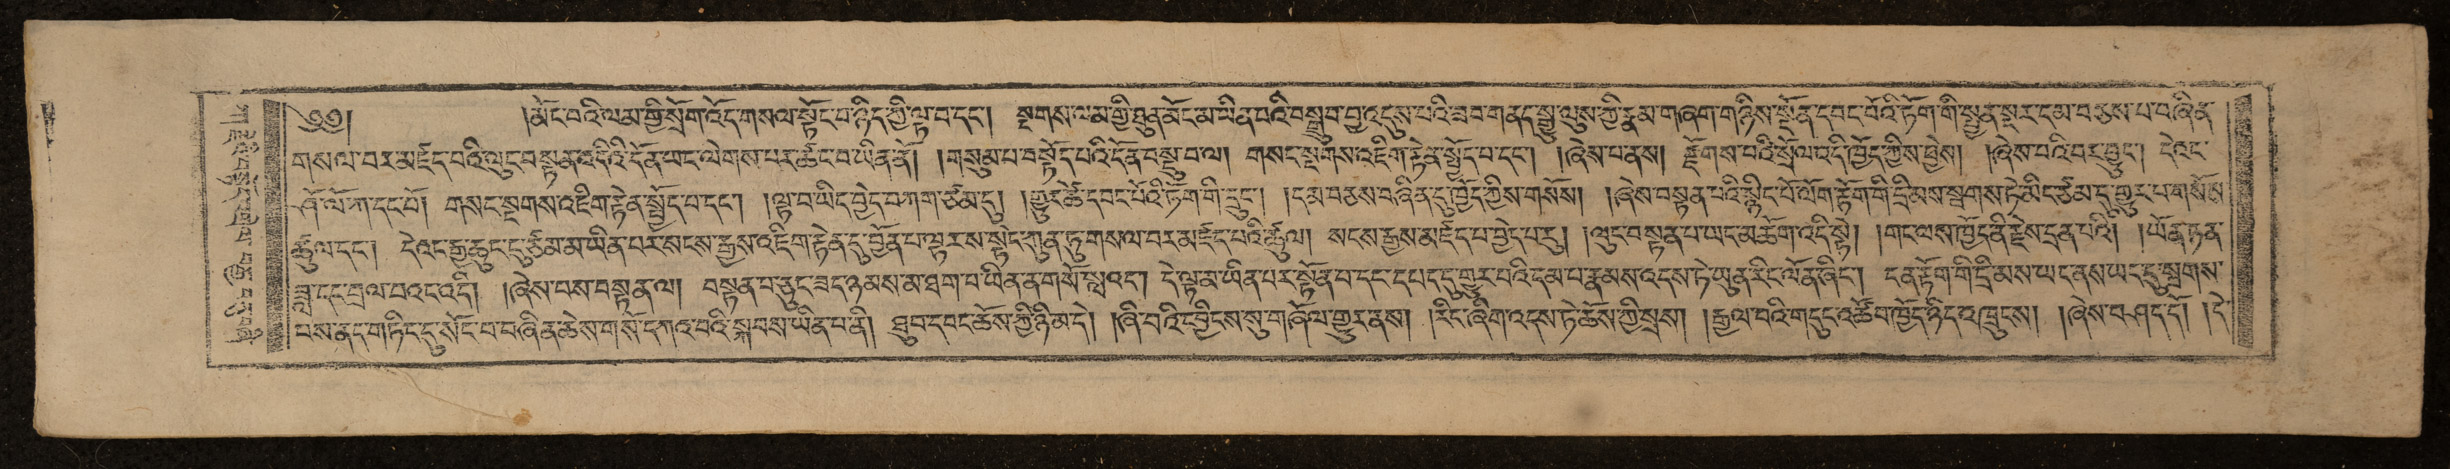༄༅། །མོང་བའི་ལམ་གྱི་སྲོག་འོད་གསལ་སྟོང་བ་ཉིད་ཀྱི་ལྟ་བ་དང་། སྔགས་ལམ་གྱི་ཐུན་མོང་མ་ཡིན་པའི་བསྒྲུབ་བྱ་འདུས་པའི་ཟབ་གནད་སྒྱུ་ལུས་ཀྱི་རྣམ་གཞག་གཉིས་སྔོན་དབང་བོའི་ཏོག་གི་སྤྱན་སྔར་དམ་བཅས་པ་བཞིན་
གསལ་བར་མཛད་པའི་ལུང་བསྟན་འདིའི་དོན་ཡང་ལེགས་པར་ཚང་བ་ཡིན་ནོ། །གསུམ་པ་བསྟོད་པའི་དོན་བསྡུ་བ་ལ། གསང་སྔགས་འཇིག་རྟེན་སྤྱོད་བ་དང་། །ཞེས་པ་ནས། རྫོགས་བའི་སྲོལ་འདི་ཁྱོད་ཀྱིས་བྱེས། །ཞེས་པའི་བར་བྱུང་། དེའང་
ཤོ་ལོ་ཀ་དང་པོ། གསང་སྔགས་འཇིག་རྟེན་སྤྱོད་པ་དང་། །ལྟ་བ་ཡིད་བྱེད་བཀག་ཙམ་དུ། །གྱུར་ཚེ་དབང་པོའི་ཏོག་གི་དྲུང་། །དམ་བཅས་བཞིན་དུ་ཁྱོད་ཀྱིས་གསོས། །ཞེས་བསྟན་པའི་སྙིང་པོ་ལོག་རྟོག་གི་དྲི་མས་སྦགས་ཏེ་མིང་ཙམ་དུ་གྱུར་པ་གསོས་
ཚུལ་དང་། དེའང་རྒྱ་ཆུང་དུ་ཙམ་མ་ཡིན་པར་སངས་རྒྱས་འཇིག་རྟེན་དུ་བྱོན་པ་ལྟར་ས་སྟེང་ཀུན་ཏུ་གསལ་བར་མཇད་པའི་ཚུལ། སངས་རྒྱས་མཛད་བ་བྱེད་པ་རུ། །ལུང་བསྟན་པ་ཡང་མཆོག་འདི་སྟེ། །གང་ལས་ཁྱོད་ནི་རྗེས་དྲན་པའི། །ཡོན་ཏན་
ཟླ་དང་བྲལ་བའང་འདི། །ཞེས་པས་བསྟན་ལ། བསྟན་པ་ཅུང་ཟད་ཉམས་མ་ཐག་པ་ཡིན་ན་གསོ་སླའང་། དེ་ལྟ་མ་ཡིན་པར་སྟོན་པ་དང་དབང་དུ་གྱུར་བའི་དམ་པ་རྣམས་འདས་ངེས་ན་རིང་ལོན་ཞིང་། ངན་རྟོག་གི་དྲི་མས་ཡང་ནས་ཡར་དུ་སྦགས་
པས་ནད་གཏིང་དུ་སོང་བ་བཞིན་ཆེས་གསོ་དགའ་བའི་སྐབས་ཡིན་པ་ནི། ཐུབ་དབང་ཆོས་ཀྱི་ཉི་མ་དེ། །ཞི་བའི་དབྱིབས་སུ་གཞོལ་གྱུར་ན། །རིང་ཞིག་འདས་ཏེ་ཆོས་ཀྱི་སྲས། །རྒྱལ་བའི་གདུང་འཚོབ་ཁྱོད་ཉིད་འཁྲུངས། །ཞེས་བཤད་དོ། །དེ་